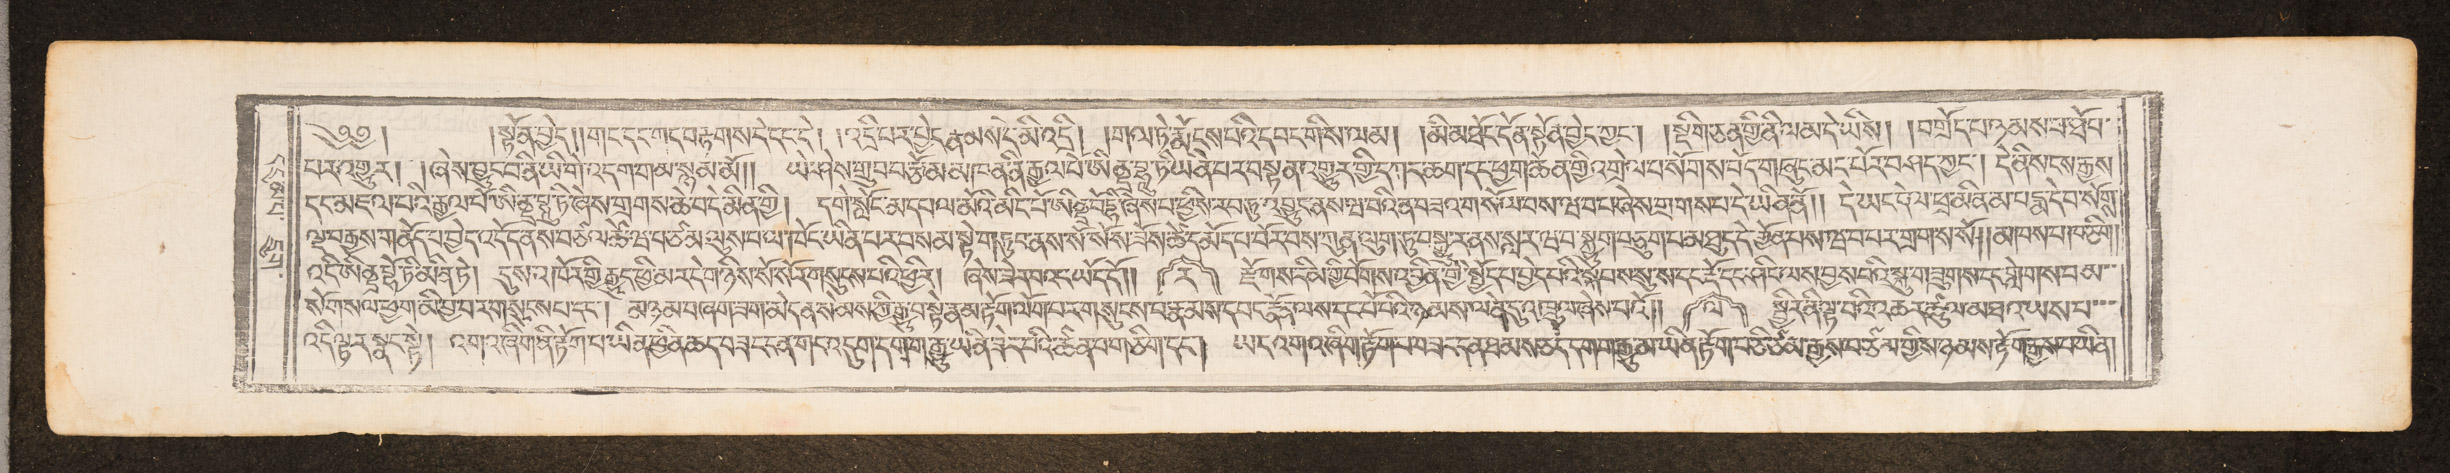༄༅། །སྟོན་བྱེད།།གང་དང་གང་བརྟགས་དེ་དང་དེ། །འདྲི་བར་བྱེད་རྣམས་དེ་མི་འདྲི། །གལ་ཏེ་རྨོངས་པའི་དབང་གིས་ལམ། །མི་མཐོང་དོན་སྟོན་བྱེད་ཀྱང་། །སྡིག་ཅན་གྱི་ནི་ལམ་དེ་ཡིས། །བགྲེད་པ་ཉམས་པ་ཐོབ་
པར་འགྱུར། །ཞེས་བྱུང་བ་ནི་ཡི་གེ་འདག་གམ་སྙམ་མོ།། ཡེ་ཤེས་གྲུབ་པ་རྩོམ་མཁན་ནི་རྒྱལ་པོ་ཨིནྡྲ་བྷཱུ་ཏི་ཡིན་པར་བསྟན་འགྱུར་གྱི་དཀར་ཆག་དང་ཕྱག་ཆེན་གྱི་འགྲེལ་པ་སོགས་བོད་གཞུང་མང་པོར་བཤད་ཀྱང་། དེ་ནི་སངས་རྒྱས་
དང་མཇལ་བའི་རྒྱལ་པོ་ཨིནྡྲ་བྷཱུ་ཏི་ཞེས་གྲགས་ཆེ་བ་དེ་མིན་གྱི། དགེ་སློང་མ་དཔལ་མོའི་མིང་པོ་ཨིནྡྲ་བོདྷི་ཞེས་པ་ཕྱིས་རབ་ཏུ་འབྱུང་ནས་ཝ་པའི་ན་བཟའ་གསོལ་བས་ཝ་བ་པ་ཞེས་གྲགས་བ་དེ་ཡིན་ནོ།། དེ་ཡང་དེ་ལ་ཕྲ་མིན་མ་པདམ་དེ་བ་སོགས་
ལྔ་བརྒྱས་གནོད་པ་བྱེད་འདོད་ནས་བཙལ་ཚེ་ཝ་བ་ཙམ་ལུས་པ་ལ་ཁོང་ཡིན་པར་བསམ་སྟེ་གཏུབ་ནས་སོ་སོ་ས་ཟོས་ཚེ་དམོད་པ་བོར་བས་ཀུན་ལུག་ཏུ་བསྒྱུར་ནས་སླར་ཝ་བ་སྐྱུག་བཅུག་པ་མཐུད་དེ་གྱོན་པས་ཝ་བ་པར་གྲགས་སོ།།མཁས་པ་ཁ་ཅིག།
འདི་མིནྡྲ་ཕོ་ཏི་མིན་ཏེ། དུས་འཁོར་གྱི་རྒྱུད་ཕྱི་མར་དེ་གཉིས་སོ་སོར་གསུངས་པའི་ཕྱིར། ཞེས་ཟེར་པ་འདང་ཡོད་དོ།། ༼༽ར༼༽ རྫོགས་རིམ་གྱི་བོགས་འབྱིན་གྱི་སྤྱོད་པ་བྱེད་པའི་སྐབས་སུ་ས་དང་རྡོ་དང་ཤིང་ལས་བྱས་བའི་སྐུ་གཟུགས་དང་གླེགས་བམ་
སོགས་ལ་ཕྱག་མི་བྱ་བར་གསུངས་པ་དང་། མཉམ་བཞག་ཟག་མེད་ན་སེམས་ཀྱི་རྒྱུ་བ་སྟེ་རྣམ་རྟོག་ལོག་པར་གསུངས་པ་རྣམས་དབང་རྣོན་ལས་དང་པོ་པའི་ཉམས་ལེན་དུ་འཁྲུལ་ཞེས་པའོ།། ༼༽ལ༼༽ སྤྱིར་ནི་ལྟ་བའི་འཆར་ཚུལ་མཐའ་ཡས་པ་
འདི་ལྟར་སྣང་སྟེ། འགའ་ཞིག་ནི་རྟོག་པ་ཡིན་ཕྱིན་ཆད་བཟང་ངན་གང་འདུག་དགག་རྒྱུ་ཡིན་ཟེར་བའི་ཚན་པ་གཅིག་དང་། ཡང་འགའ་ཞིག་རྟོག་པ་བཟང་ངན་ཐམས་ཅད་དགག་རྒྱུ་མ་ཡིན་རྟོག་པ་ཅི་ཙམ་རྒྱས་བ་ཙམ་གྱིས་ཉམས་རྟོག་རྒྱས་པ་ཡིན།